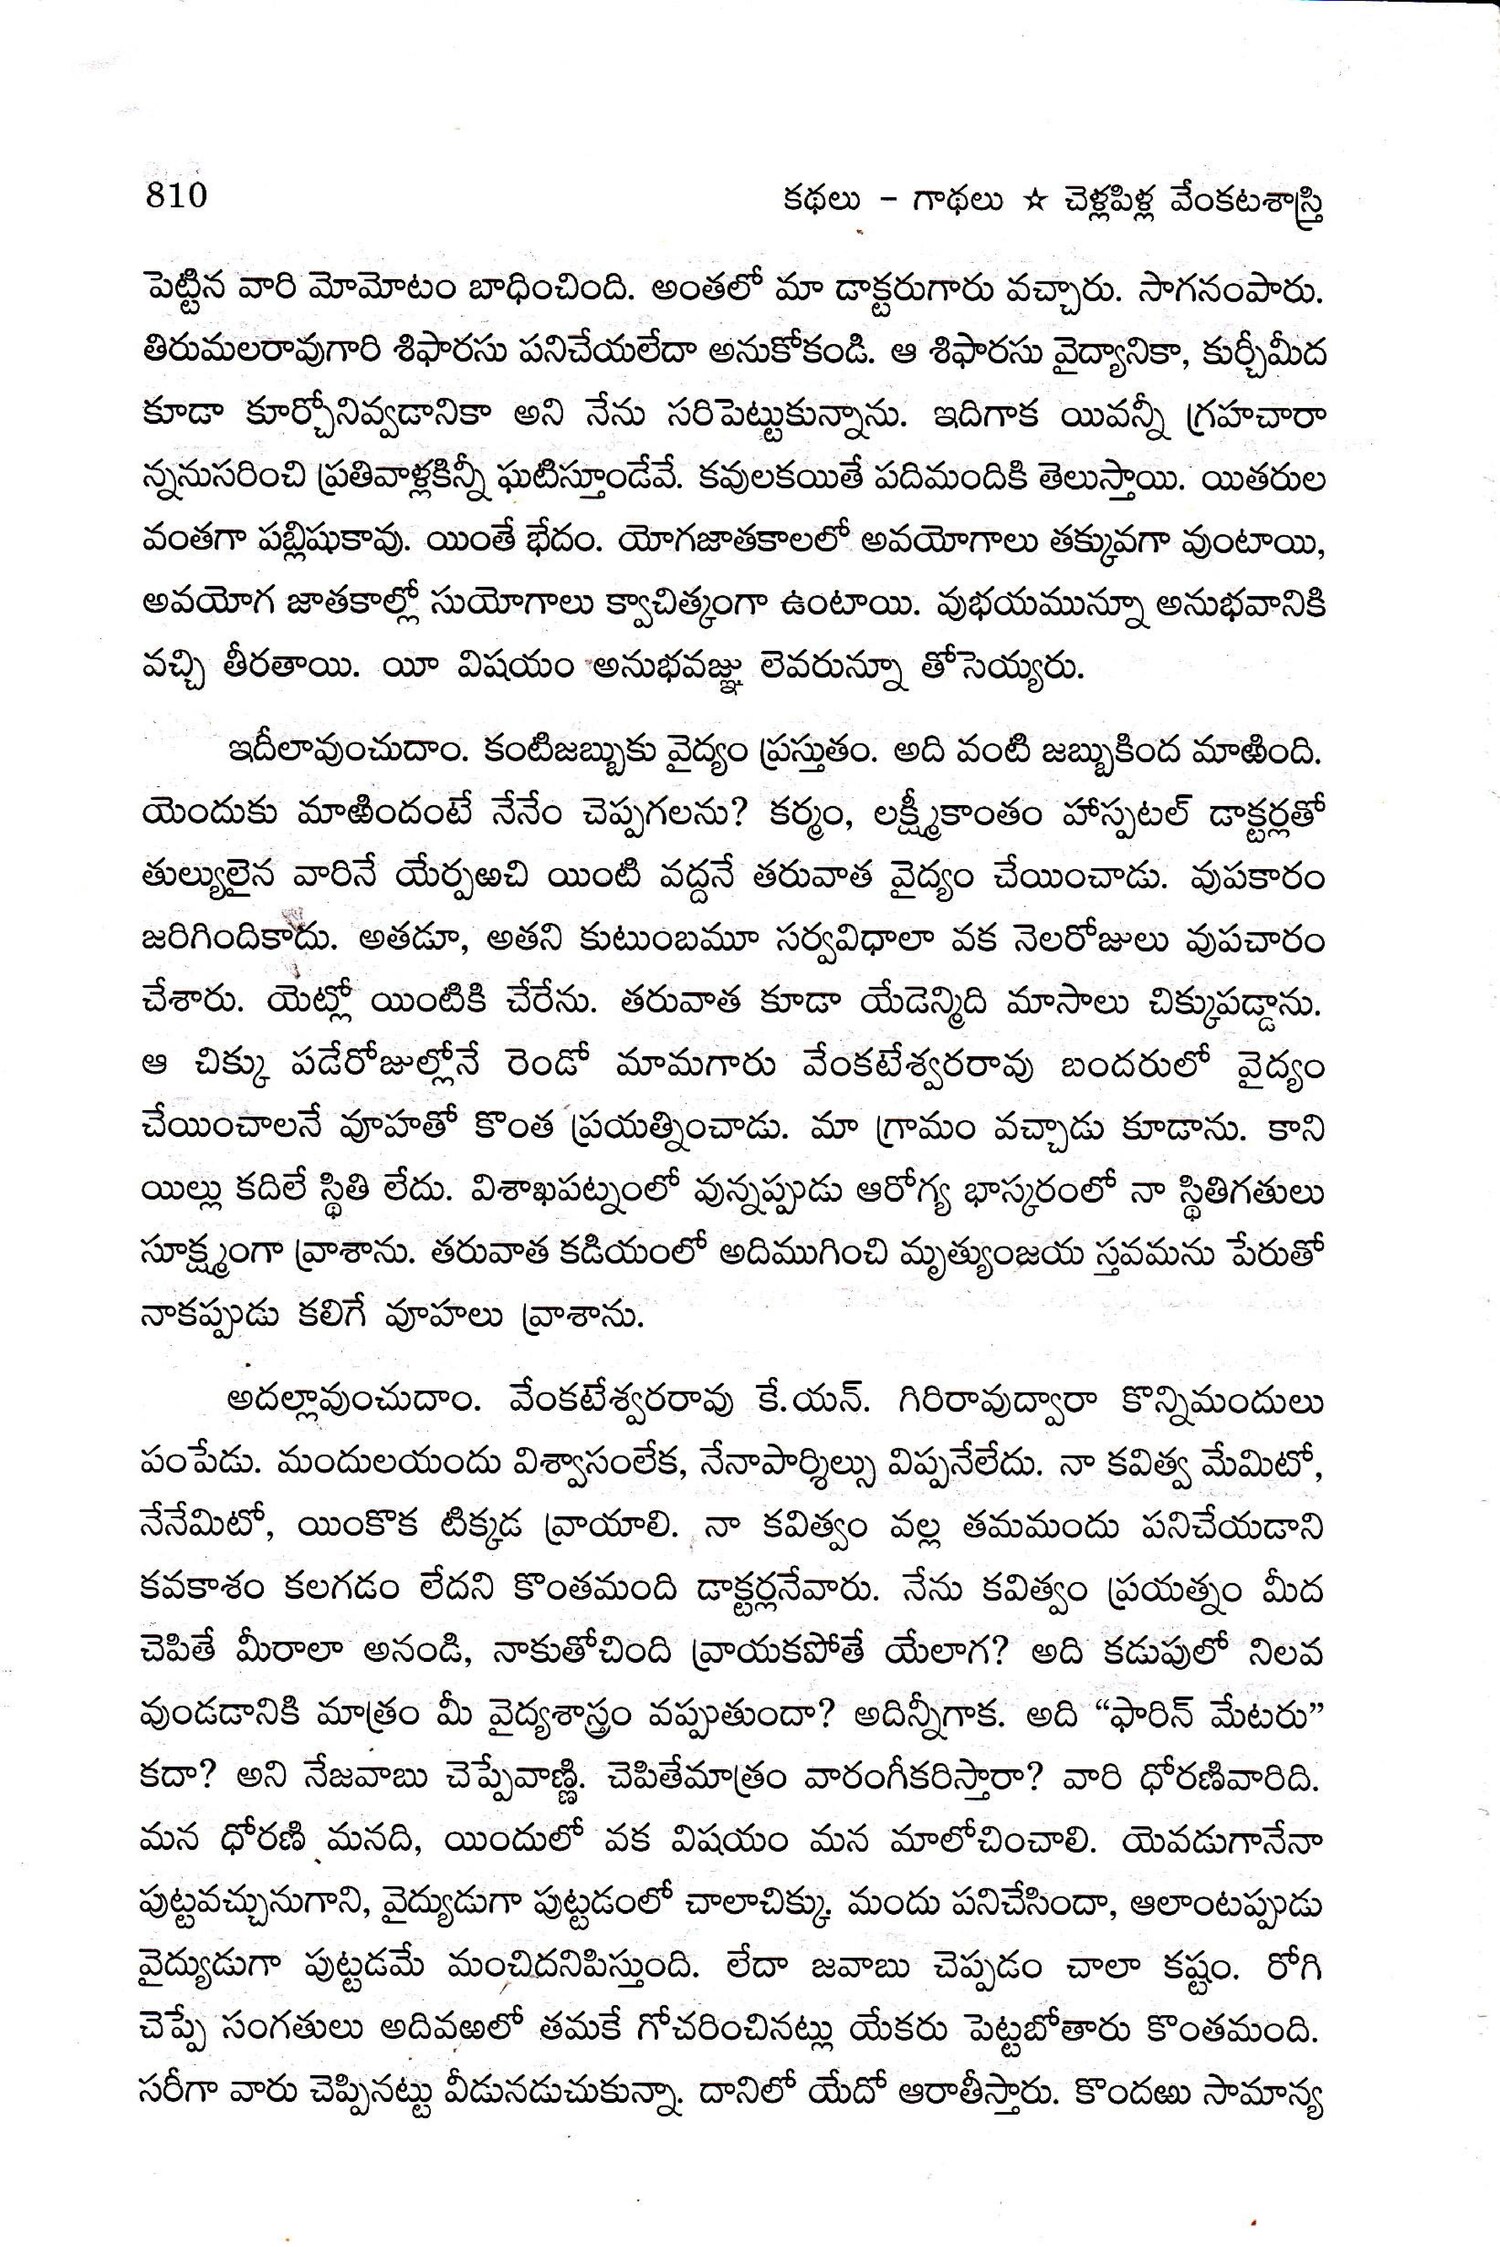పెట్టిన వారి మోమోటం బాధించింది. అంతలో మా డాక్టరుగారు వచ్చారు. సాగనంపారు. తిరుమలరావుగారి శిఫారసు పనిచేయలేదా అనుకోకండి. ఆ శిఫారసు వైద్యానికా, కుర్చీమీద కూడా కూర్చోనివ్వడానికా అని నేను సరిపెట్టుకున్నాను. ఇదిగాక యివన్నీ గ్రహచారా న్ననుసరించి ప్రతివాళ్లకిన్నీ ఘటిస్తూండేవే. కవులకయితే పదిమందికి తెలుస్తాయి. యితరుల వంతగా పబ్లిషుకావు. యింతే భేదం. యోగజాతకాలలో అవయోగాలు తక్కువగా వుంటాయి, అవయోగ జాతకాల్లో సుయోగాలు క్వాచిత్కంగా ఉంటాయి. వుభయమున్నూ అనుభవానికి వచ్చి తీరతాయి. యీ విషయం అనుభవజ్ఞు లెవరున్నూ తోసెయ్యరు.

ఇదీలావుంచుదాం. కంటిజబ్బుకు వైద్యం ప్రస్తుతం. అది వంటి జబ్బుకింద మాఱింది. యెందుకు మాఱిందంటే నేనేం చెప్పగలను? కర్మం, లక్ష్మీకాంతం హాస్పటల్ డాక్టర్లతో తుల్యులైన వారినే యేర్పఱచి యింటి వద్దనే తరువాత వైద్యం చేయించాడు. వుపకారం జరిగిందికాదు. అతడూ, అతని కుటుంబమూ సర్వవిధాలా వక నెలరోజులు వుపచారం చేశారు. యేట్లో యింటికి చేరేను. తరువాత కూడా యేడెన్మిది మాసాలు చిక్కుపడ్డాను. ఆ చిక్కు పడేరోజుల్లోనే రెండో మామగారు వేంకటేశ్వరరావు బందరులో వైద్యం చేయించాలనే వూహతో కొంత ప్రయత్నించాడు. మా గ్రామం వచ్చాడు కూడాను. కాని యిల్లు కదిలే స్థితి లేదు. విశాఖపట్నంలో వున్నప్పుడు ఆరోగ్య భాస్కరంలో నా స్థితిగతులు సూక్ష్మంగా వ్రాశాను. తరువాత కడియంలో అదిముగించి మృత్యుంజయ స్తవమను పేరుతో నాకప్పుడు కలిగే వూహలు వ్రాశాను. 

అదల్లావుంచుదాం. వేంకటేశ్వరరావు కే.యన్. గిరిరావుద్వారా కొన్నిమందులు పంపేడు. మందులయందు విశ్వాసంలేక, నేనాపార్శిల్సు విప్పనేలేదు. నా కవిత్వమేమిటో, నేనేమిటో, యింకొక టిక్కడ వ్రాయాలి. నా కవిత్వం వల్ల తమమందు పనిచేయడాని కవకాశం కలగడం లేదని కొంతమంది డాక్టర్లనేవారు. నేను కవిత్వం ప్రయత్నం మీద చెపితే మీరాలా అనండి, నాకుతోచింది వ్రాయకపోతే యేలాగ? అది కడుపులో నిలవ వుండడానికి మాత్రం మీ వైద్యశాస్త్రం వప్పుతుందా? అదిన్నీగాక. అది “ఫారిన్ మేటరు” కదా? అని నేజవాబు చెప్పేవాణ్ణి. చెపితేమాత్రం వారంగీకరిస్తారా? వారి ధోరణివారిది. మన ధోరణి మనది, యిందులో వక విషయం మన మాలోచించాలి. యెవడుగానేనా పుట్టవచ్చునుగాని, వైద్యుడుగా పుట్టడంలో చాలాచిక్కు మందు పనిచేసిందా, ఆలాంటప్పుడు వైద్యుడుగా పుట్టడమే మంచిదనిపిస్తుంది. లేదా జవాబు చెప్పడం చాలా కష్టం. రోగి చెప్పే సంగతులు అదివఱలో తమకే గోచరించినట్లు యేకరు పెట్టబోతారు కొంతమంది. సరీగా వారు చెప్పినట్టు వీడునడుచుకున్నా దానిలో యేదో ఆరాతీస్తారు. కొందఱు సామాన్య